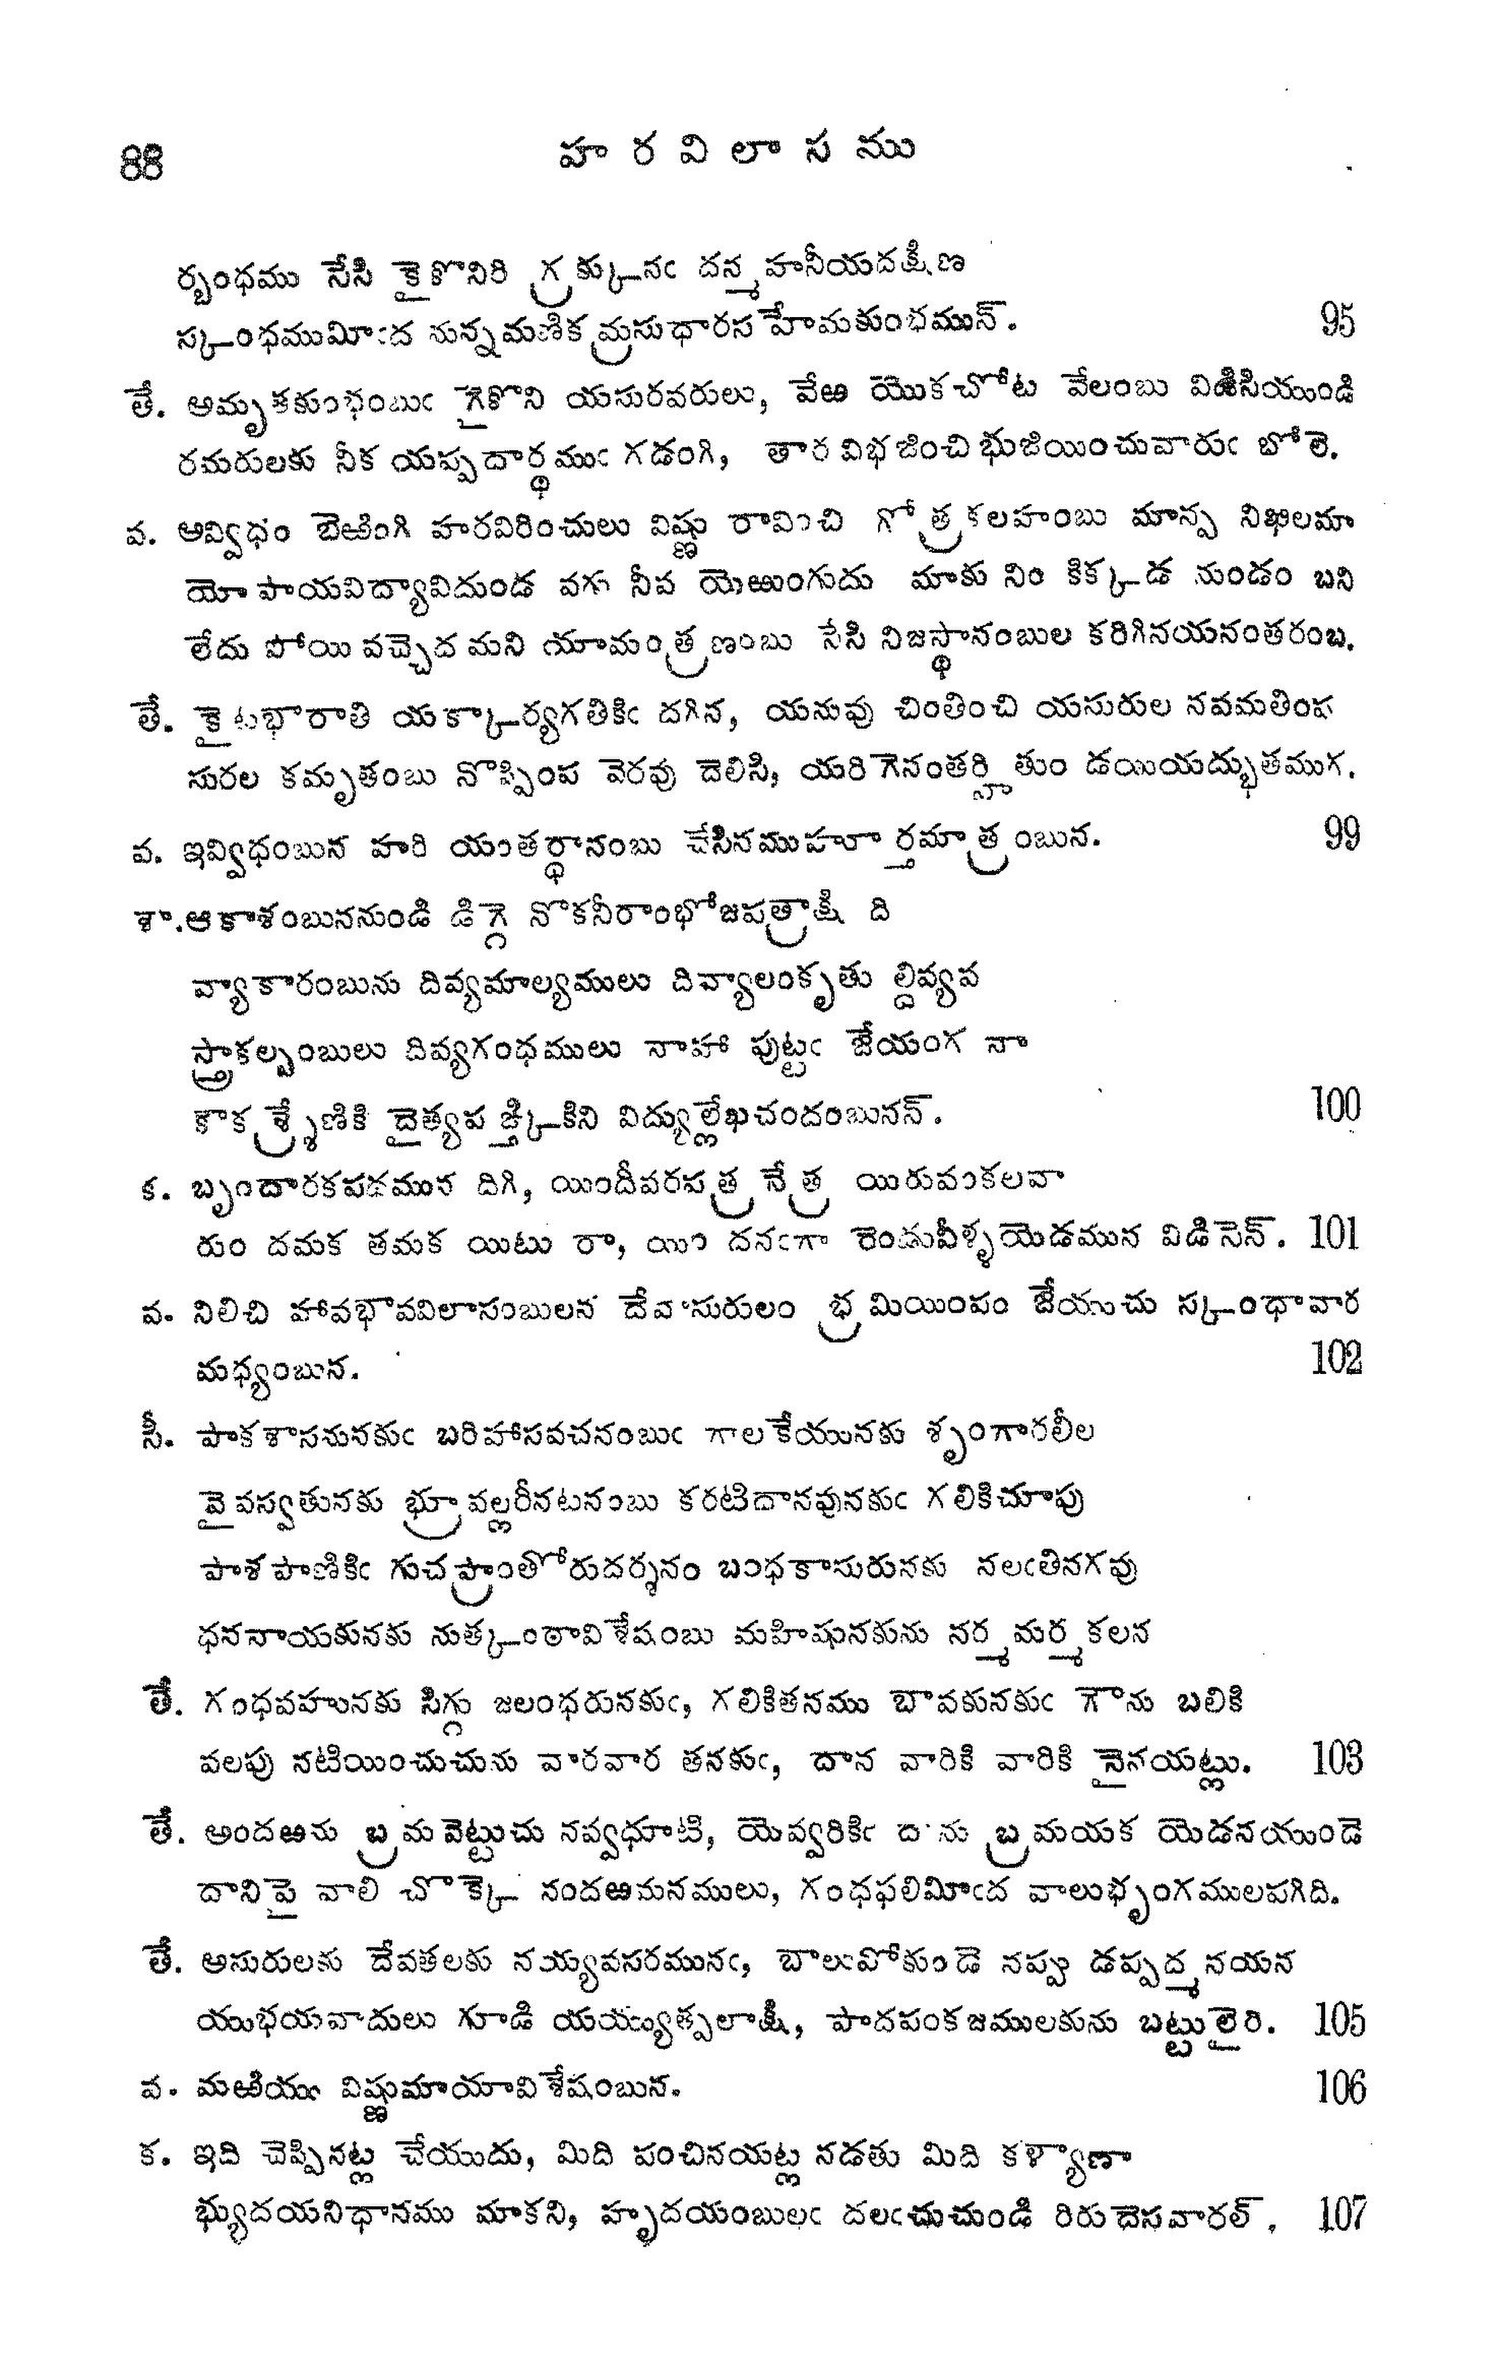ర్బంధము సేసి కైకొనిరి గ్రక్కునఁ దన్మహనీయదక్షిణ
స్కంధముమీఁద నున్నమణికమ్రసుధారసహేమకుంభమున్. 95

తే. అమృతకుంభంబుఁ గైకొని యసురవరులు, వేఱ యొకచోట వేలంబు విఱిసియుండి
రమరులకు నీక యప్పదార్థముఁ గడంగి, తార విభజించి భుజియించువారుఁ బోలె. 96

వ. అవ్విధం బెఱింగి హరవిరించులు విష్ణు రావించి గోత్రకలహంబు మాన్ప నిఖిలమాయోపాయవిద్యావిదుండ వగు నీవ యెఱుంగుదు మాకు నిం కిక్కడ నుండం బని లేదు పోయివచ్చెద మని యామంత్రణంబు సేసి నిజస్థానంబుల కరిగినయనంతరంబ. 97

తే. కైటభారాతి యక్కార్యగతికిఁ దగిన, యనువు చింతించి యసురుల నవమతింప
సురల కమృతంబు నొప్పింప వెరవు దెలిసి, యరిగె నంతర్హితుం డయి యద్భుతముగ. 98

వ. ఇవ్విధంబున హరి యంతర్ధానంబు చేసిన ముహూర్తమాత్రంబున. 99

శా.ఆకాశంబుననుండి డిగ్గె నొకనీరాంభోజపత్రాక్షి ది
వ్యాకారంబును దివ్యమాల్యములు దివ్యాలంకృతు ల్దివ్యవ
స్త్రాకల్పంబులు దివ్యగంధములు నాహా పుట్టఁ జేయంగ నా
కౌకశ్శ్రేణికి దైత్యపఙ్క్తికిని విద్యుల్లేఖచందంబునన్. 100

క. బృందారకపథమున దిగి, యిందీవరపత్రనేత్ర యిరువంకలవా
రుం దమక తమక యిటు రా, యిం దనంగా రెండువీళ్ళయెడమున విడిసెన్. 101

వ. నిలిచి హావభావవిలాసంబులన దేవాసురులం భ్రమియింపం జేయుచు స్కంధావారమధ్యంబున. 102

సీ. పాకశాసనునకుఁ బరిహాసవచనంబుఁ గాలకేయునకు శృంగారలీల
వైవస్వతునకు భూవల్లరీనటనంబు కరటిదానవునకుఁ గలికిచూపు
పాశపాణికిఁ గుచప్రాంతోరుదర్శనం బంధకాసురునకు నలఁతినగవు
ధననాయకునకు నుత్కంఠావిశేషంబు మహిషునకును నర్మమర్మకలన
తే. గంధవహునకు సిగ్గు జలంధరునకుఁ, గలికితనము బావకునకుఁ గౌను బలికి
వలపు నటియించుచును వారవార తనకుఁ, దాన వారికి వారికి నైనయట్లు. 103

తే. అందఱను బ్రమవెట్టుచు నవ్వధూటి, యెవ్వరికిఁ దాను బ్రమయక యెడనయుండె
దానిపై వాలి చొక్కె నందఱమనములు, గంధఫలిమీఁద వాలు భృంగములపగిది. 104

తే. అసురులకు దేవతలకు నయ్యవసరమునఁ, బాలుపోకుండె నప్పు డప్పద్మనయన
యుభయవాదులు గూడి యయ్యుత్పలాక్షి, పాదపంకజములకును బట్టులైరి. 105

వ. మఱియు విష్ణుమాయావిశేషంబున. 106

క. ఇది చెప్పినట్ల చేయుదు, మిది పంచినయట్ల నడతు మిది కళ్యాణా
భ్యుదయనిధానము మాకని, హృదయంబులఁ దలఁచుచుండి రిరు దెసవారల్. 107